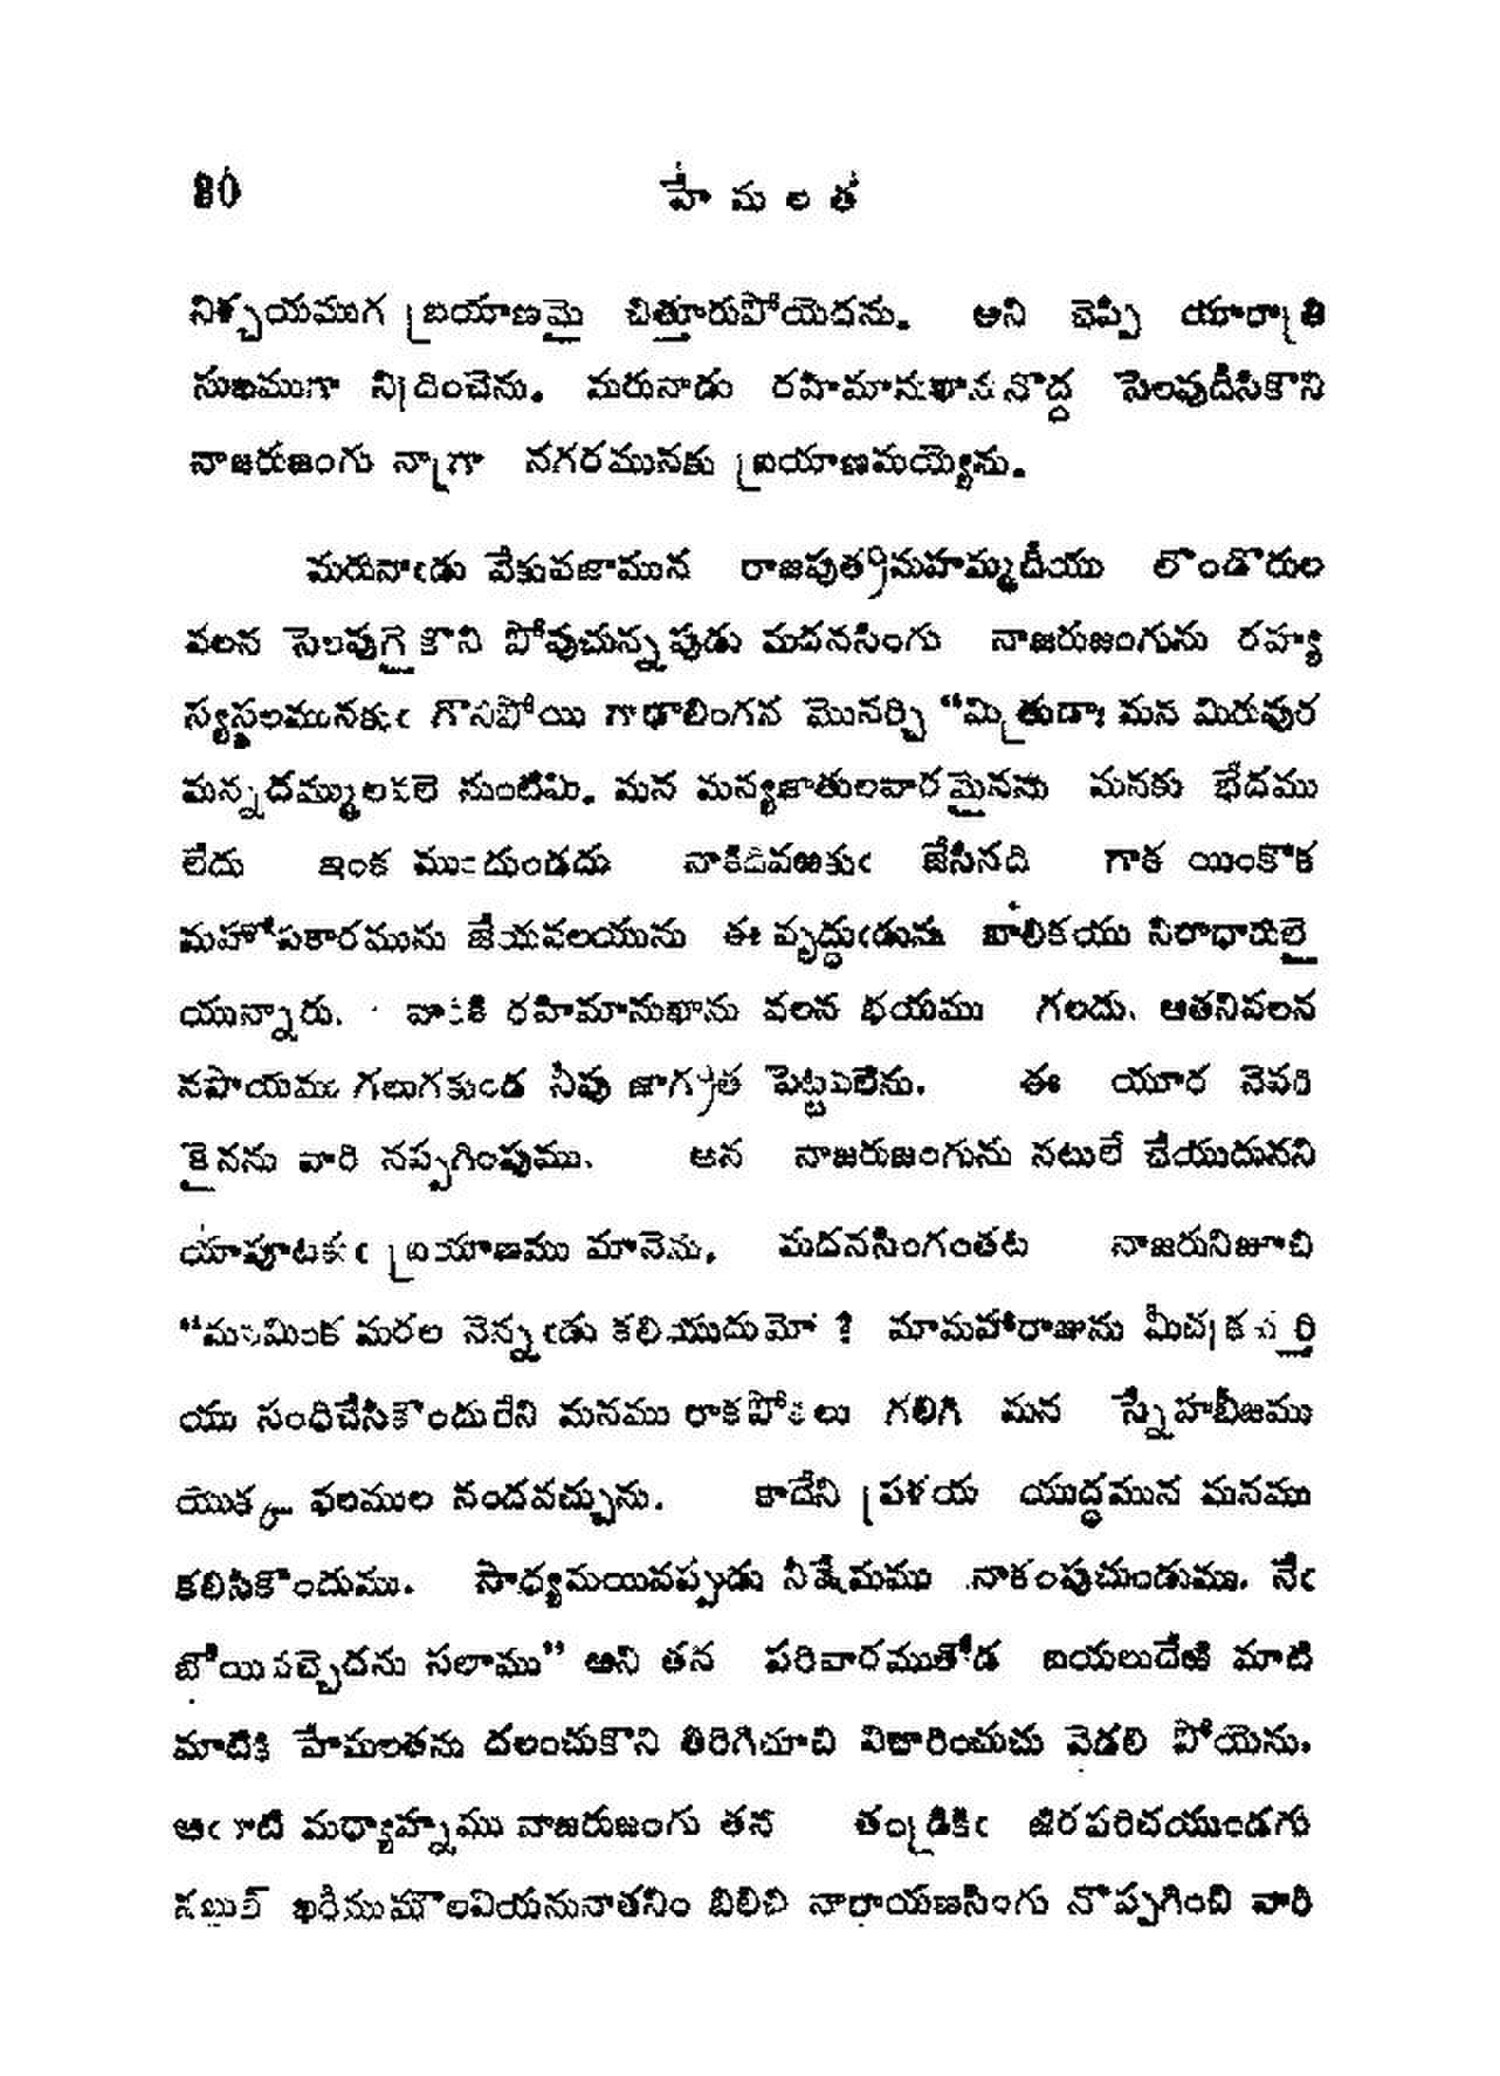నిశ్చయముగ బ్రయాణమై చిత్తూరుపోయెదను. అని చెప్పి యారాత్రి సుఖముగా నిద్రించెను. మరునాడు రహిమానుఖాను వొద్ద సెలవుదీసికొని నాజరుజంగు నాగ్రా నగరమునకు బ్రయాణమయ్యెను.

మరునాఁడు వేకువజామున రాజపుత్రమహమ్మదీయు లొండొరుల వలన సెలవుగైకొని పోవుచున్నపుడు మదనసింగు నాజరుజంగును రహస్యస్థలమునకుఁ గొనిపోయి గాఢాలింగన మొనర్చి “మిత్రుడా! మన మిరువుర మన్నదమ్ముల వలె నుంటిమి. మన మన్యజాతులవారమైనను మనకు భేదము లేదు. ఇంక ముందుండదు. నాకిదివఱకుఁ జేసినది గాక యింకొక మహోపకారమును జేయవలయును. ఈ వృద్ధుఁడును బాలికయు నిరాధారులై యున్నారు. వారికి రహిమానుఖాను వలన భయము గలదు. అతనివలన నపాయము గలుగకుండ నీవు జాగ్రత పెట్టవలెను. ఈ యూర నెవరి కైనను వారి నప్పగింపుము. అన నాజరుజంగును నటులే చేయుదునని యాపూటకఁ బ్రయాణము మానెను. మదనసింగంతట నాజరుని జూచి “మనమింక మరల నెన్నఁడు కలియుదుమో? మామహారాజును మీచక్రవర్తియు సంధిచేసికొందురేని మనము రాకపోకలు గలిగి మన స్నేహబీజము యొక్క ఫలముల నందవచ్చును. కాదేని ప్రళయ యుద్ధమున మనము కలిసికొందుము. సాధ్యమయినప్పుడు నీక్షేమము నాకంపుచుండుము. నేఁ బోయి వచ్చెదను సలాము” అని తన పరివారముతోడ బయలుదేఱి మాటి మాటికి హేమలతను దలంచుకొని తిరిగిచూచి విచారించుచు వెడలి పోయెను. ఆనాఁటి మధ్యాహ్నము నాజరుజంగు తన తండ్రికి జిరపరిచయుండగు నబ్దుల్ ఖరీముమౌలవియనునాతనిం బిలిచి నారాయణసింగు నొప్పగించి వారి